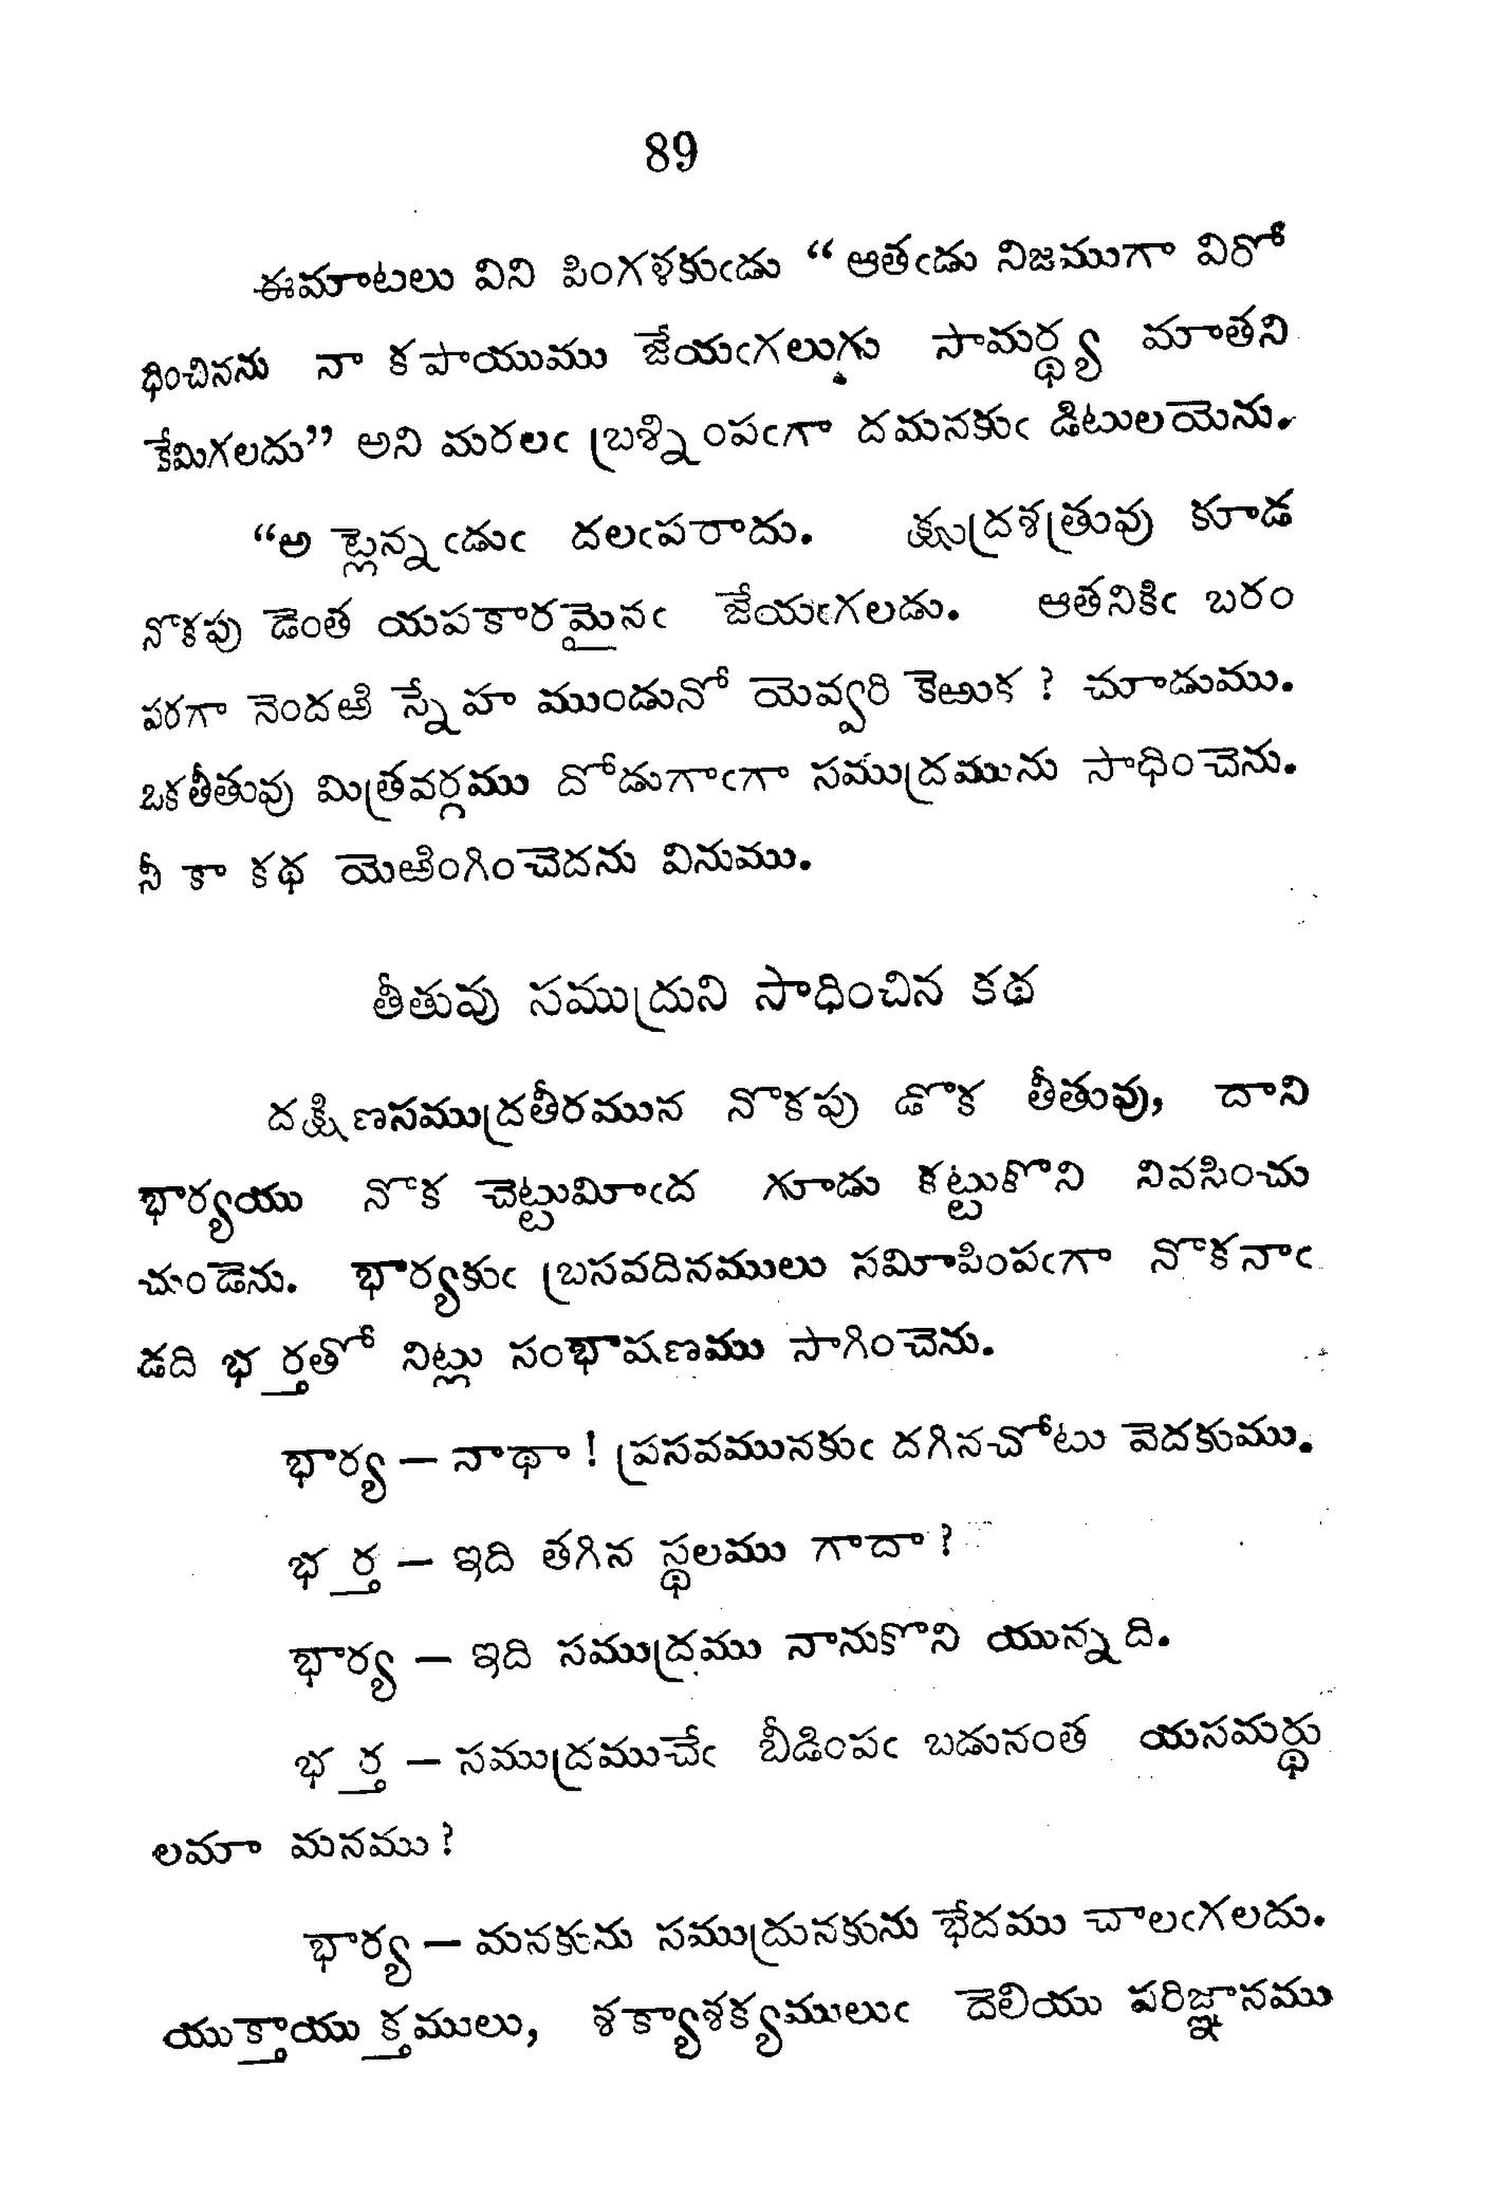ఈమాటలు విని పింగళకుడు "ఆతడు నిజముగా విరోధించినను నా కపాయము జేయగలుగు సామర్థ్య మాతని కేమిగలదు" అని మరల బ్రశ్నింపగా దమనకు డిటులయెను.

"అ ట్లెన్నడు దలపరాదు. క్షుద్రశత్రువు కూడ నొకపు డెంత యపకారమైన జేయగలడు. అతనికి బరంపరగా నెందఱి స్నేహ ముండునో యెవ్వరి కెఱుక? చూడుము. ఒకతీతువు మిత్రవర్గము దోడుగాగా సముద్రమును సాధించెను.

దక్షిణసముద్రతీరమున నొకపు డొక తీతువు, దాని భార్యయు నొక చెట్టుమీద గూడు కట్టుకొని నివసించు చుండెను. భార్యకు బ్రసవదినములు సమీపింపగా నొకనాడది భర్తతో నిట్లు సంభాషణము సాగించెను.

భార్య - నాథా! ప్రసవమునకు దగినచోటు వెదుకుము,

భర్త - ఇది తగిన స్థలము గాదా?

భార్య - ఇది సముద్రము నానుకొని యున్నది.

భర్త - సముద్రముచే బీడింప బడునంత యసమర్థులమా మనము?

భార్య - మనకును సముద్రునకును భేదము చాలగలదు. యుక్తాయుక్తములు, శక్యాశక్యములు దెలియ పరిజ్ఞానము